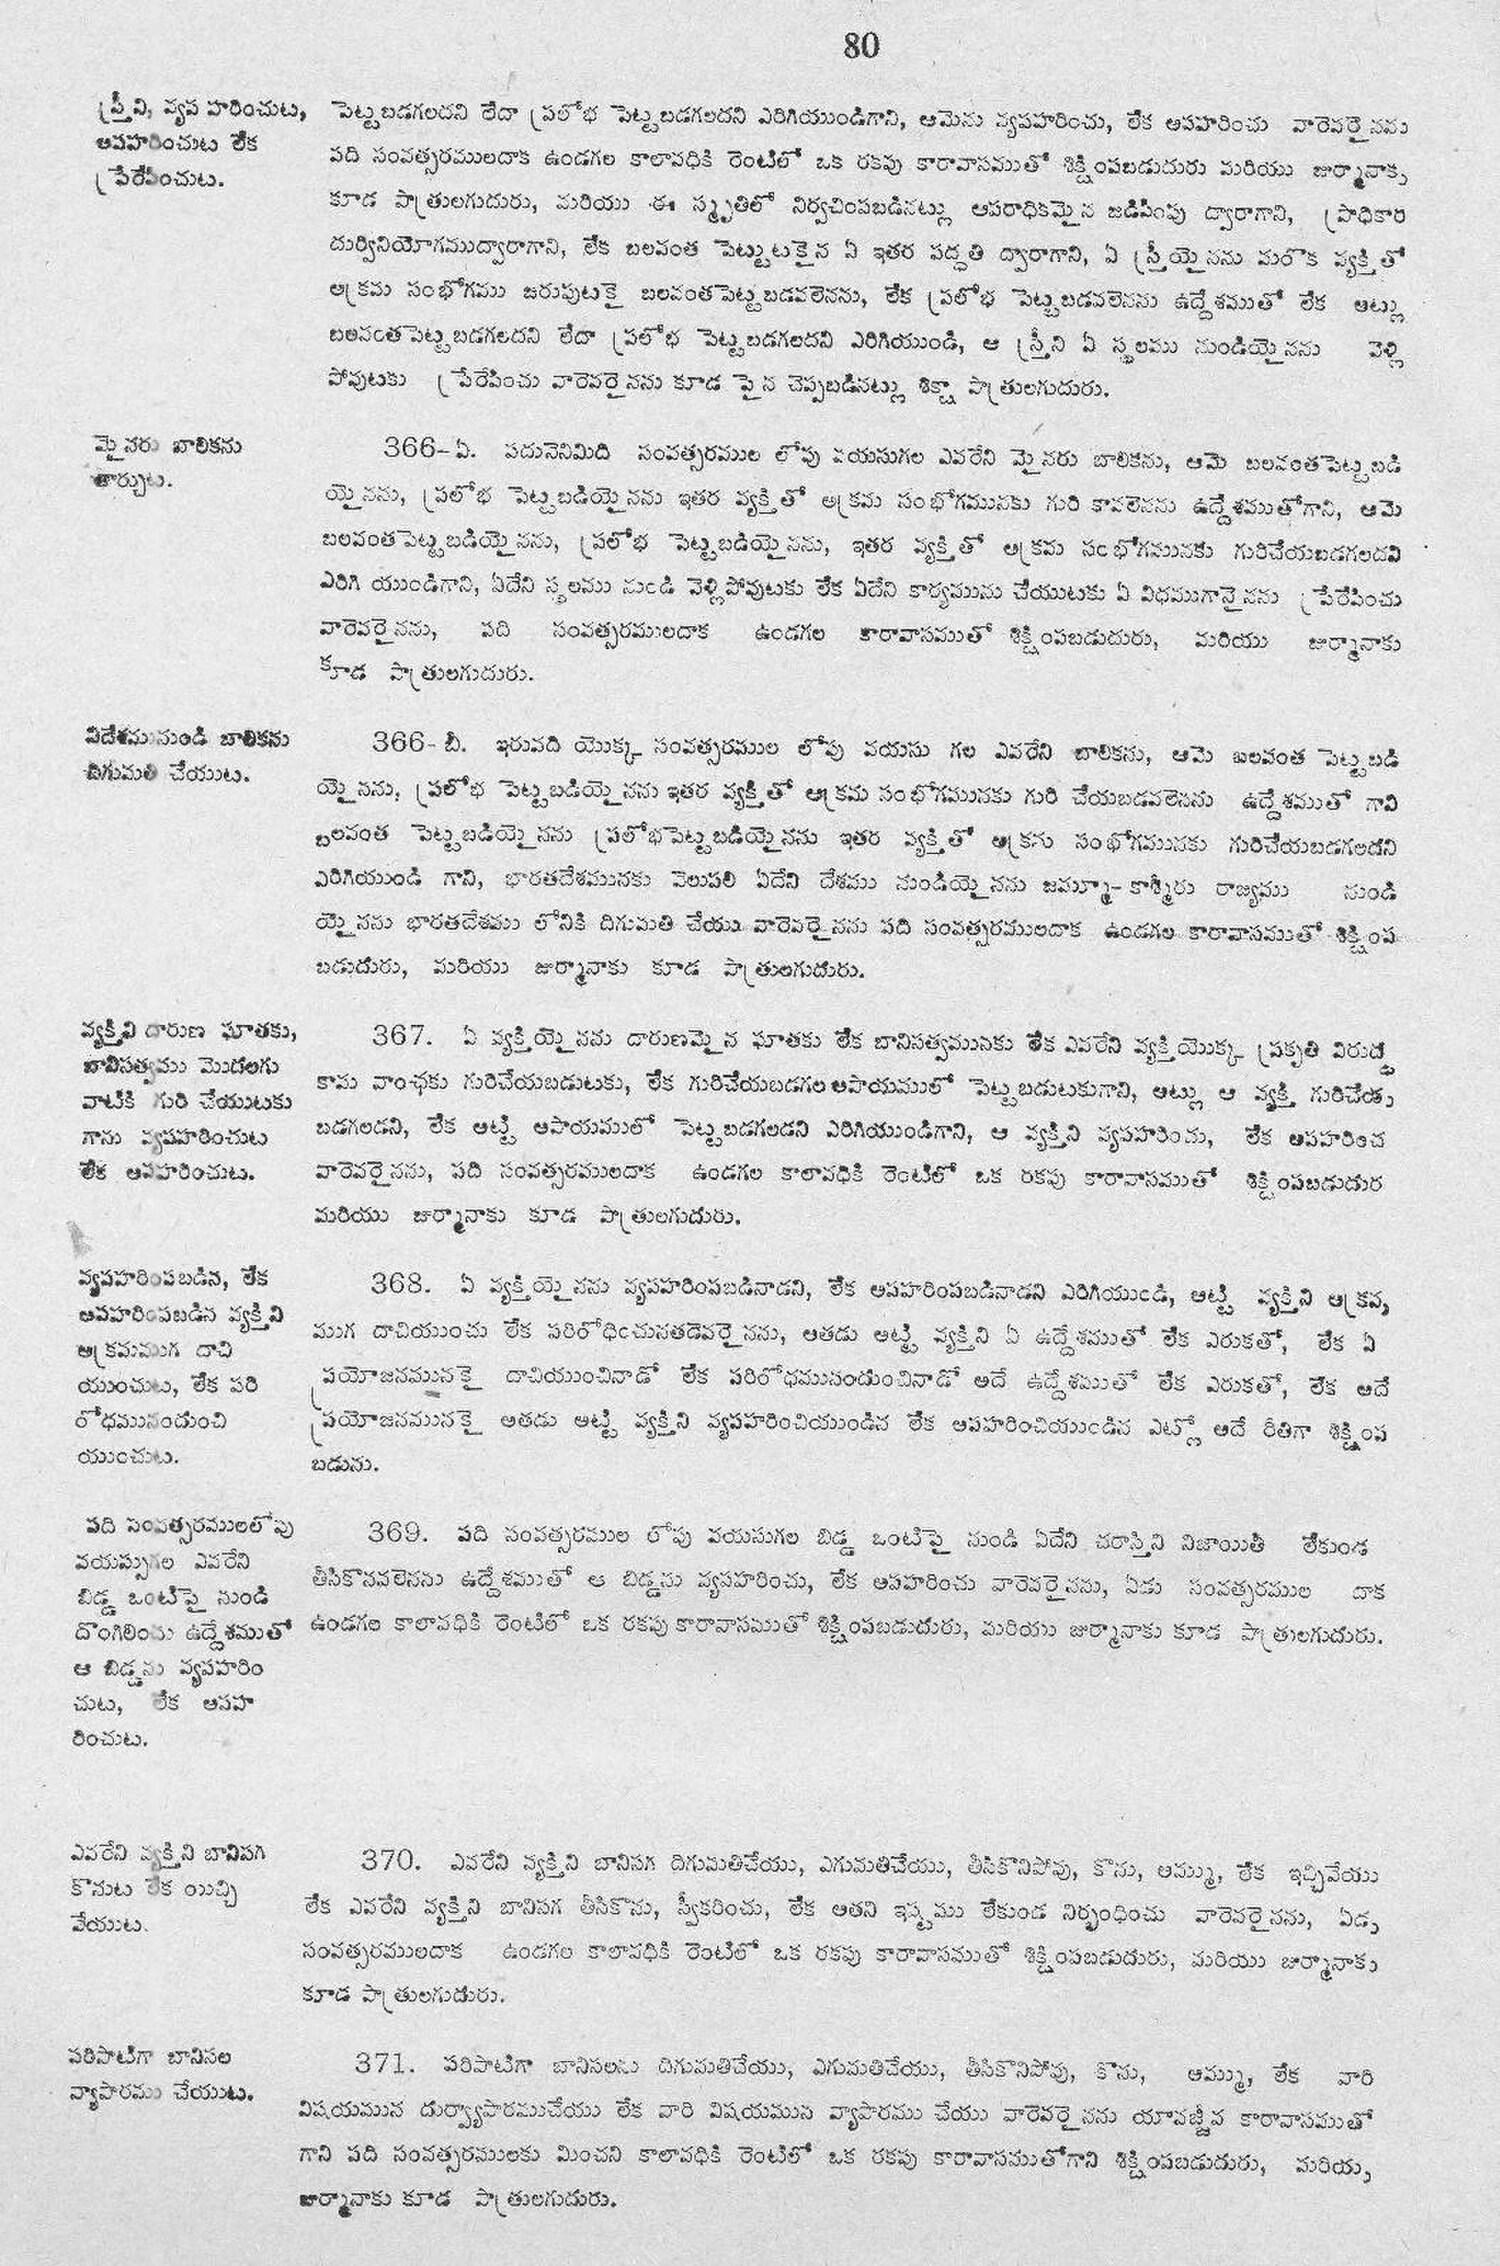స్త్రీని, వ్యవహరించుట,అపహరించుట లేక ప్రేరేపించుట.
 
పెట్టబడగలదని లేదా ప్రలోభ పెట్ట బడగలదని ఎరిగియుండిగాని, ఆమెను వ్యవహరించు, లేక అపహరించు వారెవరైనను పది సంవత్సరములదాకి ఉండగల కాలావధికి రెంటిలో ఒక రకపు కారావాసముతో శిక్షింపబడుదురు మరియు జుర్మానాకి, కూడ పాత్రులగుదురు, మరియు ఈ స్మృతిలో నిర్వచింపబడినట్లు అపరాధికమైన జడిపింపు ద్వారా గాని, ప్రాధికారి దుర్వినియోగము ద్వారాగాని, లేక బలవంత పెట్టుటకైన ఏ ఇతర పద్ధతి ద్వారాగాని, ఏ స్త్రీ యై నను మరొక వ్యక్తి తో అక్రమ సంభోగము జరుపుటకై బలవంత పెట్టబడవలెనను, లేక ప్రలోభ పెట్టబడవలెనను ఉద్దేశముతో లేక అట్లు బలవంత పెట్ట బడగలదని లేదా ప్రలోభ పెట్ట బడగలదని ఎరిగియుండి, ఆ స్త్రీని ఏ స్థలము నుండి యైనను వెళ్లి పోవుటకు ప్రేరేపించు వారెవరైనను కూడ పైన చెప్పబడినట్లు శిక్షా పాత్రులగుదురు,

మైనరు బాలికను తార్చుట.

366-ఏ. పదునెనిమిది సంవత్సరముల లోపు వయసుగల ఎవరేని మైనరు బాలికను, ఆమె బలవంత పెట్టుబడి యైనను, ప్రలోభ పెట్ట బడియైనను ఇతర వ్యక్తి తో అక్రమ సంభోగమునకు గురి కావలెనను ఉద్దేశముతోగాని, ఆమె బలవంత పెట్ట బడియైనను, ప్రలోభ పెట్ట బడియైనను, ఇతర వ్యక్తితో అక్రమ సంభోగమునకు గురిచేయబడగలదని 'ఎరిగి యుండిగాని, ఏదేని స్థలము నుండి వెళ్లి పోవుటకు లేక ఏదేని కార్యమును చేయుటకు ఏ విధముగానై నను ప్రేరేపించు వారెవరైనను, పది సంవత్సరము లదాక ఉండగల కారావాసముతో శిక్షింపబడుదురు, మరియు జుర్మానాకు కూడ పాత్రులగుదురు.

విదేశము నుండి బాలికను-దిగుమతి చేయుట.

366-బీ. ఇరువది యొక్క సంవత్సరముల లోపు వయసు గల ఎవరేని బాలికను, ఆమె బలవంత పెట్టబడి యైనను, ప్రలోభ పెట్టబడియైనను ఇతర వ్యక్తి తో ఆక్రమ సంభోగమునకు గురి చేయబడవలెనను ఉద్దేశముతో గాని బలవంత పెట్టబడియైనను ప్రలోభ పెట్ట బడియైనను ఇతర వ్యక్తి తో ఆక్రము సంభోగమునకు గురిచేయబడగలదని ఎరిగియుండి గాని, భారతదేశమునకు వెలుపలి ఏదేని దేశము నుండియైనను జమ్మూ- కాశ్మీరు రాజ్యము నుండి యైనను భారతదేశము లోనికి దిగుమతి చేయు వారెవరైనను పది సంవత్సరములదాక ఉండగల కారావాసములో శిక్షింపబడుదురు, మరియు జుర్మానాకు కూడ పాత్రులగుదురు.

వ్యక్తిని దారుణ ఘాతకు, బానిసత్వము మొదలగు వాటికి గురి చేయుటకు గాను వ్యవహరించుట లేక అపహరించుట.

367. ఏ వ్యక్తి యైనను దారుణమైన ఘాతకు లేక బానిసత్వమునకు లేక ఎవరేని వ్యక్తి యొక్క ప్రకృతి విరుద్ద కామ వాంఛకు గురిచేయబడుటకు, లేక గురిచేయబడగల అపాయములో పెట్ట బడుటకు గాని, అట్లు ఆ వ్యక్తి గురిచేయబడగలడని, లేక అట్టి అపాయములో పెట్ట బడగలడని ఎరిగియుండిగాని, ఆ వ్యక్తిని వ్యవహరించు, లేక అపహరించ వారెవరైనను, పది సంవత్సరములదాక ఉండగల కాలావధికి రెంటిలో ఒక రకపు కారావాసముతో శిక్షింపబడుదురు మరియు జూర్మానాకు కూడ పాత్రులగుదురు,

వ్యవహరింపబడిన, లేక అపహరింపబడిన వ్యక్తిని అక్రమముగ దాచియుంచుట, లేక పరిరోధమునందుంచి యుంచుట.

368. ఏ వ్యక్తి యైనను వ్యవహరింపబడినాడని, లేక అపహరింపబడినాడని ఎరిగియుండి, అట్టి వ్యక్తిని అక్రమముగ దాచియుంచు లేక పరిరోధించునతడెవరైనను, ఆతడు అట్టి వ్యక్తిని ఏ ఉద్దేశముతో లేక ఎరుకతో, లేక ఏ ప్రయోజనమునకై దాచియుంచినాడో లేక పరిశోధమునందుం చినాడో అదే ఉద్దేశముతో లేక ఎరుకతో, లేక ఆదే ప్రయోజనమునకై అతడు అట్టి వ్యక్తిని వ్యవహరించియుండిన లేక ఆపహరించియుండిన ఎట్లో అదే రీతిగా శిక్షింపబడును.

పది సంవత్సరములలోపు వయస్సుగల ఎవరేని బిడ్డ ఒంటిపై నుండి దొంగిలించు ఉద్దేశముతో ఆ బిడ్డను వ్యవహరించుట లేక అపహరించుట.

369. పది సంవత్సరముల లోపు వయసుగల బిడ్డ ఒంటి పై నుండి ఏదేని చరాస్తిని నిజాయితీ లేకుండ తీసికొనవలెనను ఉద్దేశముతో ఆ బిడ్డను వ్యవహరించు, లేక అపహరించు వారెవరైనసు, ఏడు సంవత్సరముల దాక ఉండగల కాలావధికి రెంటిలో ఒక రకపు కారావాసముతో శిక్షింపబడుదురు, మరియు జుర్మానాకు కూడ పాత్రులగుదురు.

ఎవరేని వ్యక్తిని బానిసగ కొనుట లేక యిచ్చి వేయుట.

370. ఎవరేని వ్యక్తిని బానిసగ దిగుమతిచేయు, ఎగుమతిచేయు, తీసికొనిపోవు, కొను, అమ్ము, లేక ఇచ్చివేయు లేక ఎవరేని వ్యక్తిని బానిసగ తీసికొను, స్వీకరించు, లేక ఆతని ఇష్టము లేకుండ నిర్భంధించు వారెవరైనను, ఏడు, సంవత్సరములదాక ఉండగల కాలావధికి రెంటిలో ఒక రకపు కారావాసముతో శిక్షింపబడుదురు, మరియు జర్మానాకు కూడ పాత్రులగుదురు.

పరిపాటిగా బానిసల వ్యాపారము చేయుట.

371. పరిపాటిగా బానిసలను దిగుమతిచేయు, ఎగుమతిచేయు, తీసికొనిపోవు, కొను, అమ్ము, లేక వారి విషయమున దుర్వ్యాపారముచేయు లేక వారి విషయముని వ్యాపారము చేయు వారెవరైనను యావజ్జీవ కారావాసముతో గాని పది సంవత్సరములకు మించని కాలావధికి రెంటిలో ఒక రకపు కారావాసముతోగాని శిక్షింపబడుదురు, మరియు, జుర్మానాకు కూడ పాత్రులగుదురు.